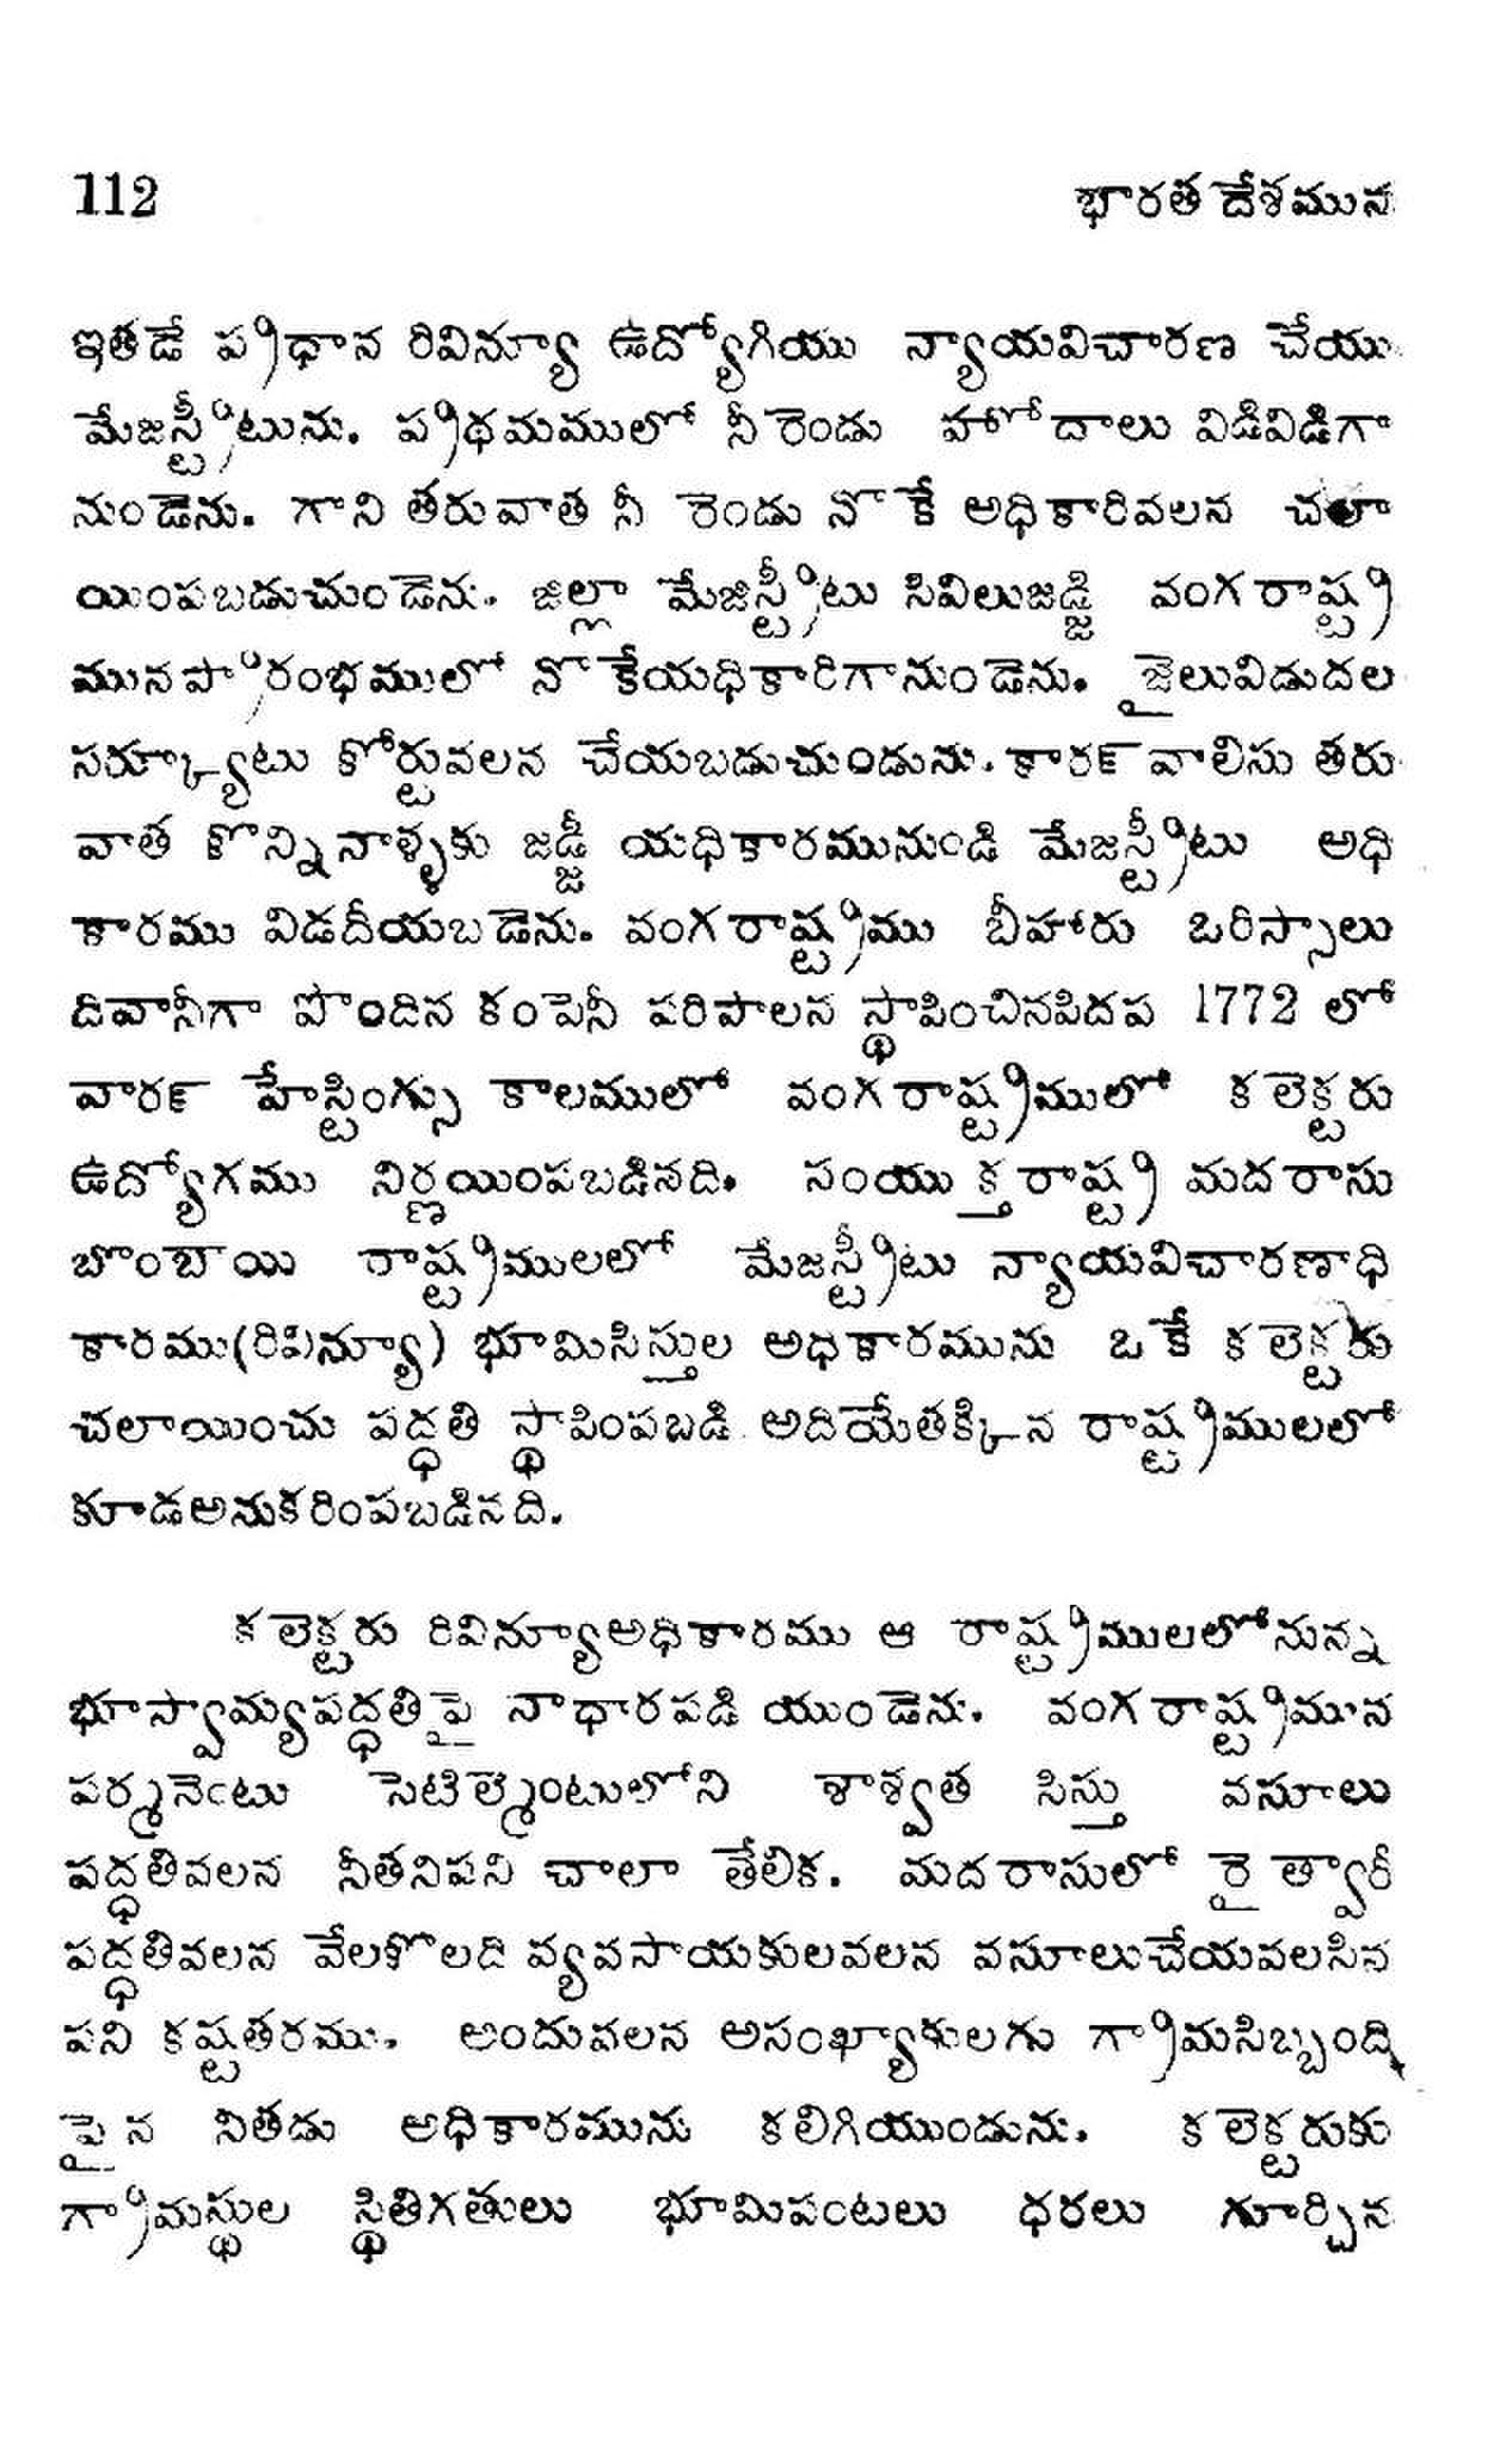ఇతడే ప్రధాన రివిన్యూ ఉద్యోగియు న్యాయవిచారణ చేయు మేజస్ట్రీటును. ప్రథమములో నీరెండు హోదాలు విడివిడిగా నుండెను. గాని తరువాత నీ రెండు నొకే అధికారివలన చలాయింపబడుచుండెను. జిల్లా మేజిస్ట్రీటు సివిలుజడ్జి వంగరాష్ట్రమునప్రారంభములో నొకేయధికారిగానుండెను. జైలువిడుదల సర్క్యూటు కోర్టువలన చేయబడుచుండును. కార౯వాలిసు తరువాత కొన్నినాళ్ళకు జడ్జీ యధికారమునుండి మేజస్ట్రీటు అధికారము విడదీయబడెను. వంగరాష్ట్రము బీహారు ఒరిస్సాలు దివానీగా పొందిన కంపెనీ పరిపాలన స్థాపించినపిదప 1772 లో వార౯ హేస్టింగ్సు కాలములో వంగరాష్ట్రములో కలెక్టరు ఉద్యోగము నిర్ణయింపబడినది. సంయుక్తరాష్ట్ర మదరాసు బొంబాయి రాష్ట్రములలో మేజస్ట్రీటు న్యాయవిచారణాధికారము (రివిన్యూ) భూమిసిస్తుల అధికారమును ఒకే కలెక్టరు చలాయించు పద్ధతి స్థాపింపబడి అదియేతక్కిన రాష్ట్రములలో కూడ అనుకరింపబడినది.

కలెక్టరు రివిన్యూఅధికారము ఆ రాష్ట్రములలోనున్న భూస్వామ్యపద్ధతిపై నాధారపడి యుండెను. వంగరాష్ట్రమున పర్మనెంటు సెటిల్మెంటులోని శాశ్వత సిస్తు వసూలు పద్దతివలన నీతనిపని చాలా తేలిక. మదరాసులో రైత్వారీ పద్దతివలన వేలకొలది వ్యవసాయకులవలన వసూలుచేయవలసిన పని కష్టతరము. అందువలన అసంఖ్యాకులగు గ్రామసిబ్బంది పైన నీతడు అధికారమును కలిగియుండును. కలెక్టరుకు గ్రామస్థుల స్థితిగతులు భూమిపంటలు ధరలు గూర్చిన